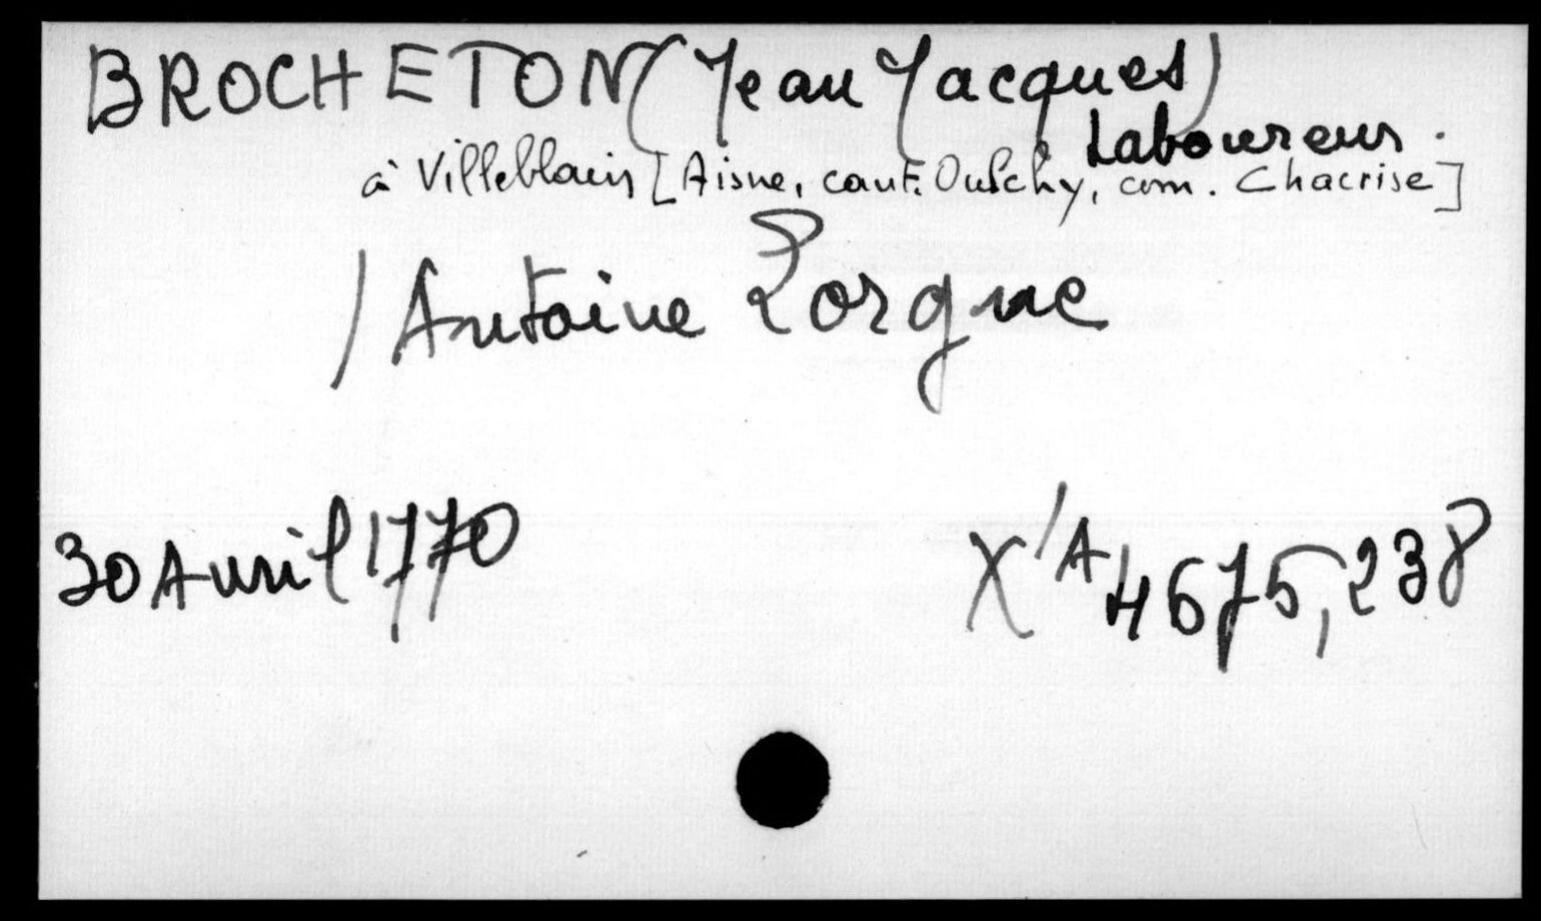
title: BROCHETON (Jean-Jacques), laboureur à Villeblain [Aisne, cantonOulchy, commune Chacrise]
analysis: Contre Antoine Lorgue
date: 30 avril 1770
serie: X1A
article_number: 4675
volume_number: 238
